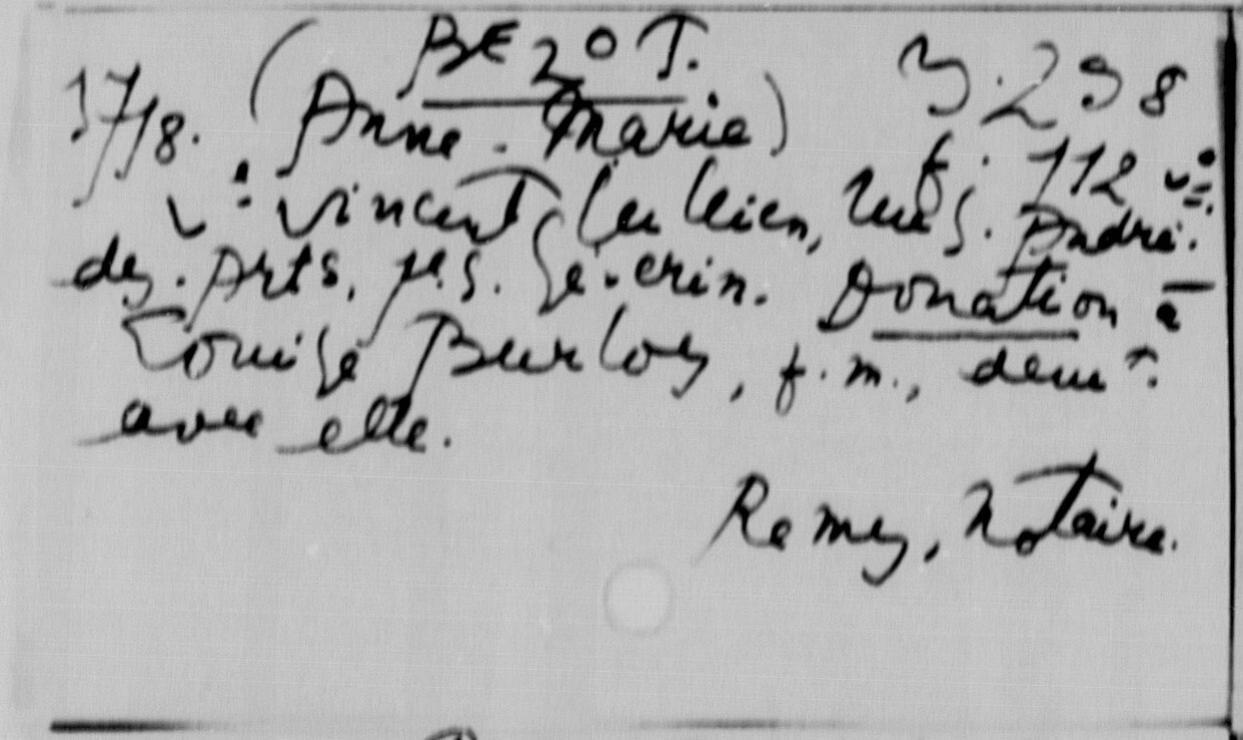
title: BELOT (Anne-Marie)
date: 1718
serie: Y
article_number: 298
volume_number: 112v
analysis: Veuve Vincent Jullien, rue Saint-André-des-Arts, paroisse Saint-Séverin. Donation à Louise BURLOY, fille majeure, demeurant avec Elle. Remy, notaire.
